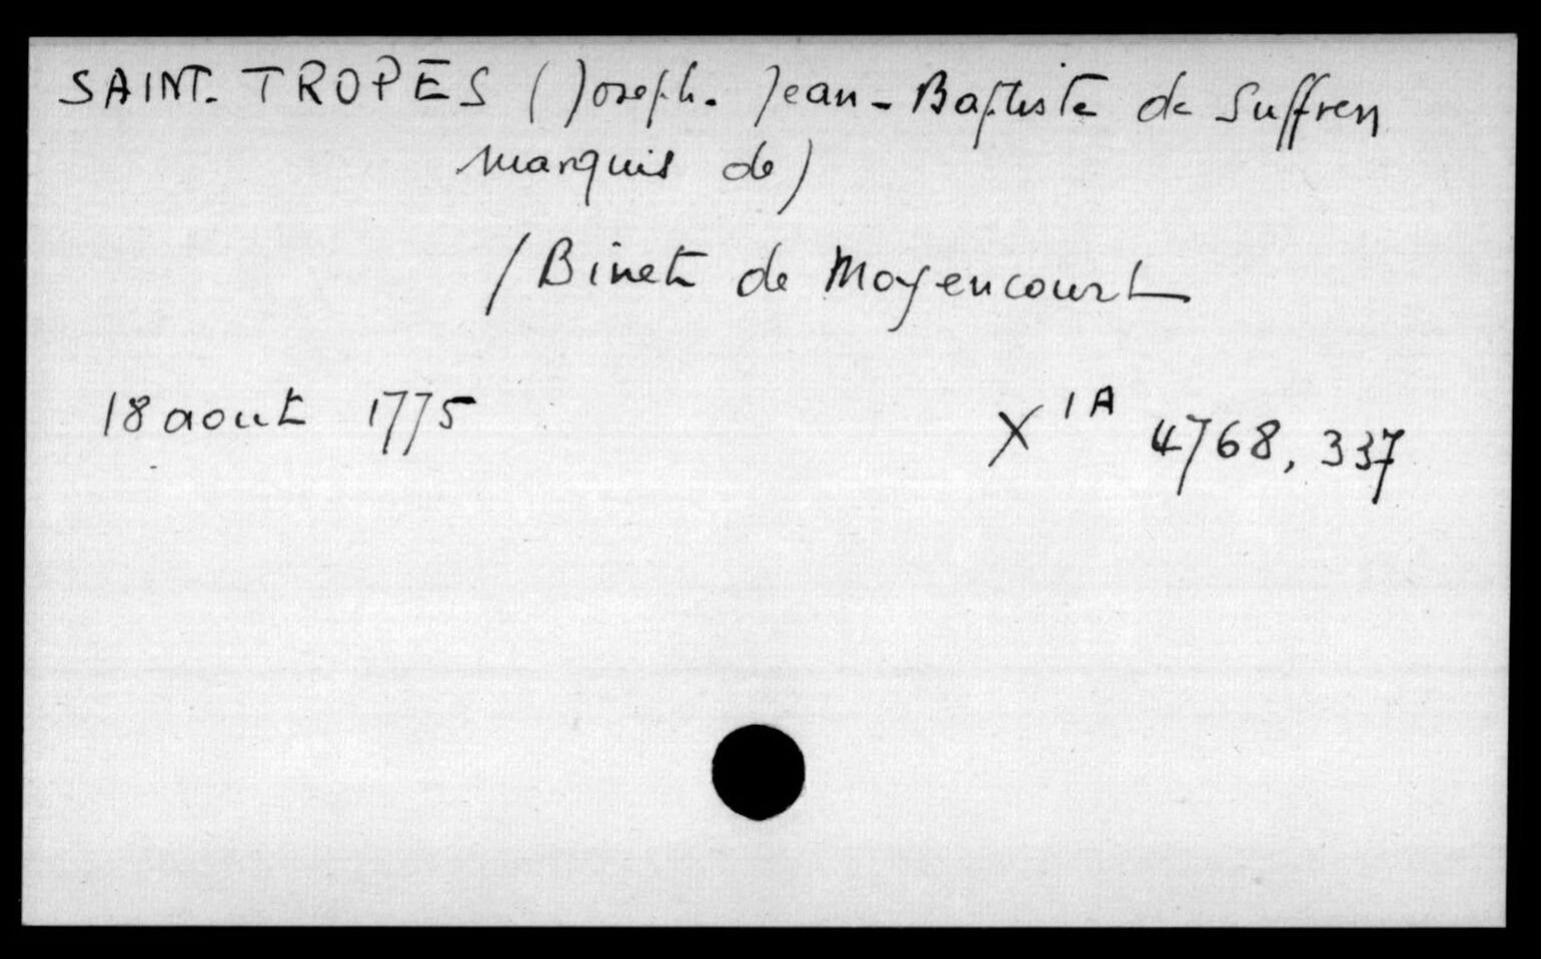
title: SAINT-TROPES (Joseph-Jean-Baptiste de Suffren marquis de)
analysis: Contre Binet de Moyencourt
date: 18 août 1775
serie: X1A
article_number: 4768
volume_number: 337
